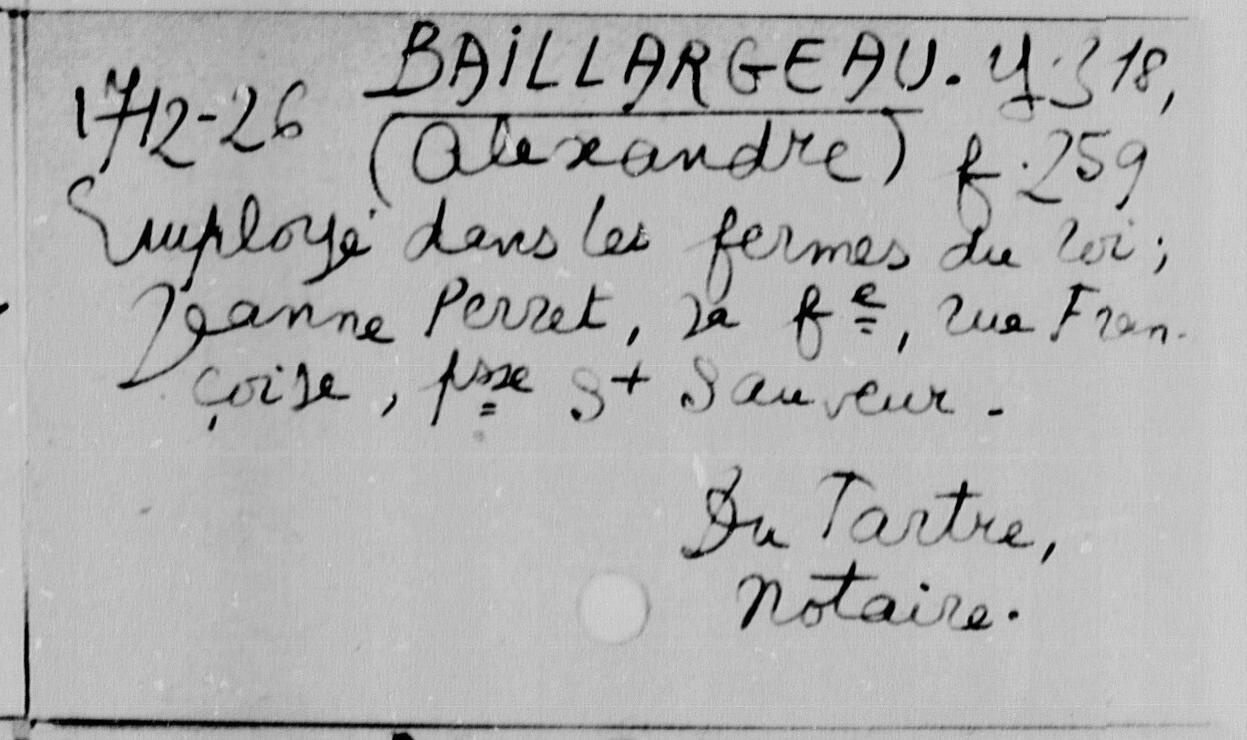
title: BAILLARGEAU (Alexandre)
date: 1712-1726
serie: Y
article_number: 318
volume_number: folio 259
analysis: Employé dans les fermes du roi Jeanne Perret, sa femme, rue Françoise, paroisse Saint-Sauveur Du Tartre, notaire
